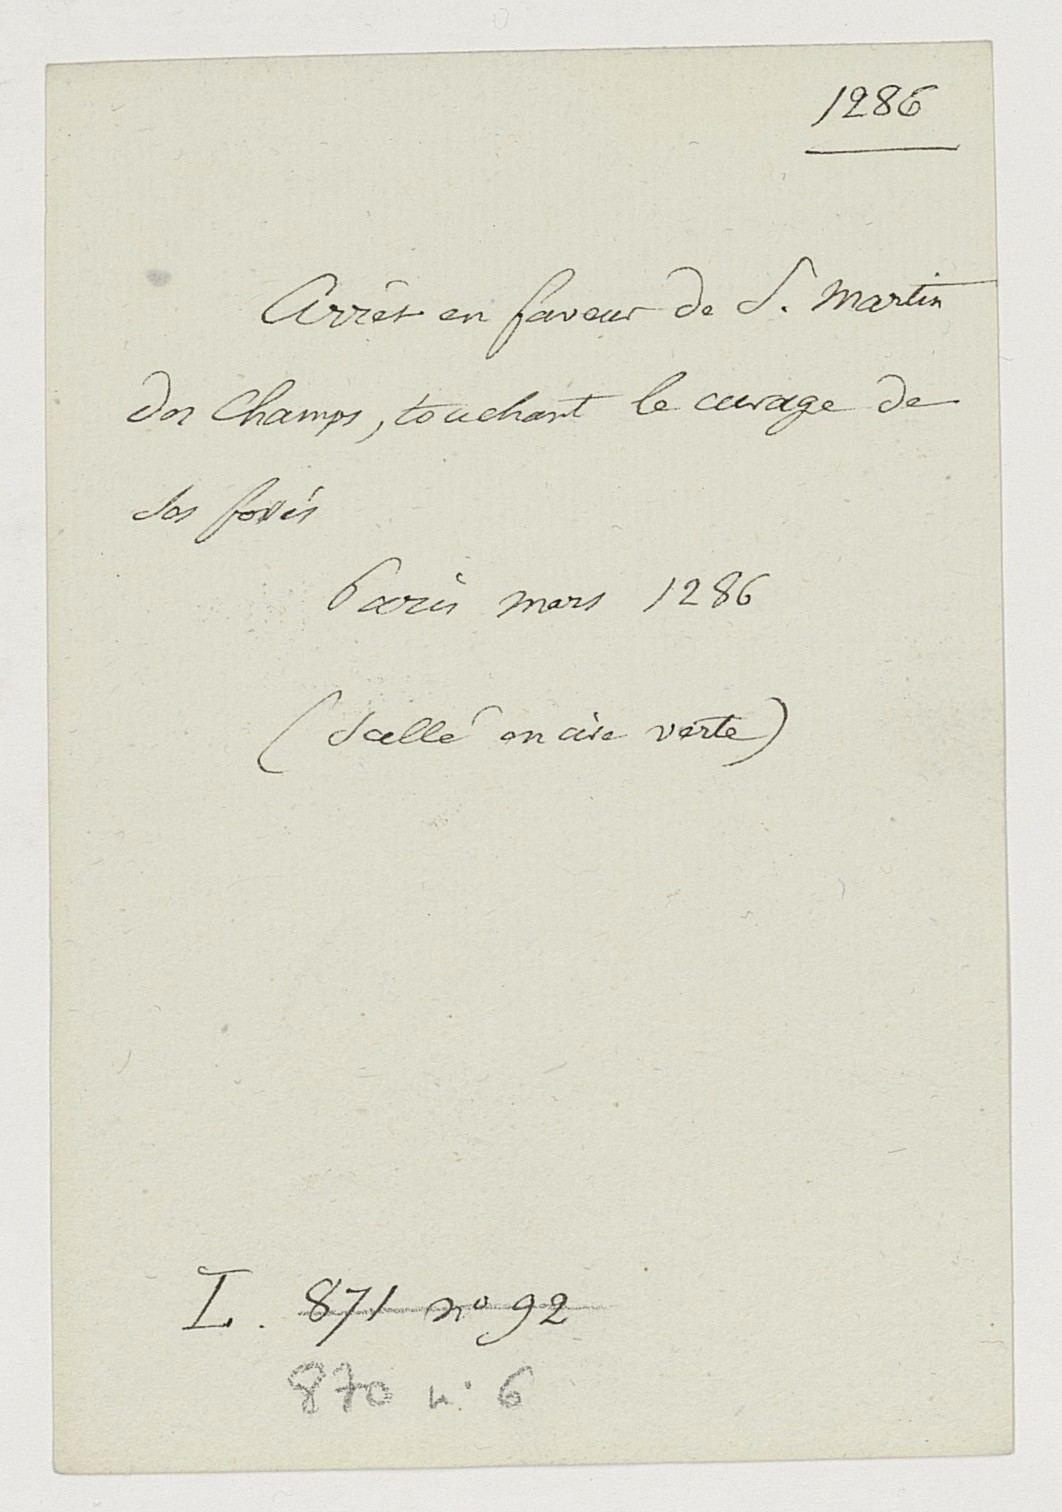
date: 1286
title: Arrêt en faveur de Saint-Martin des Champs, touchant le curage de ses fossés
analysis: Paris mars 1286
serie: L
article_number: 870
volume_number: n° 6
